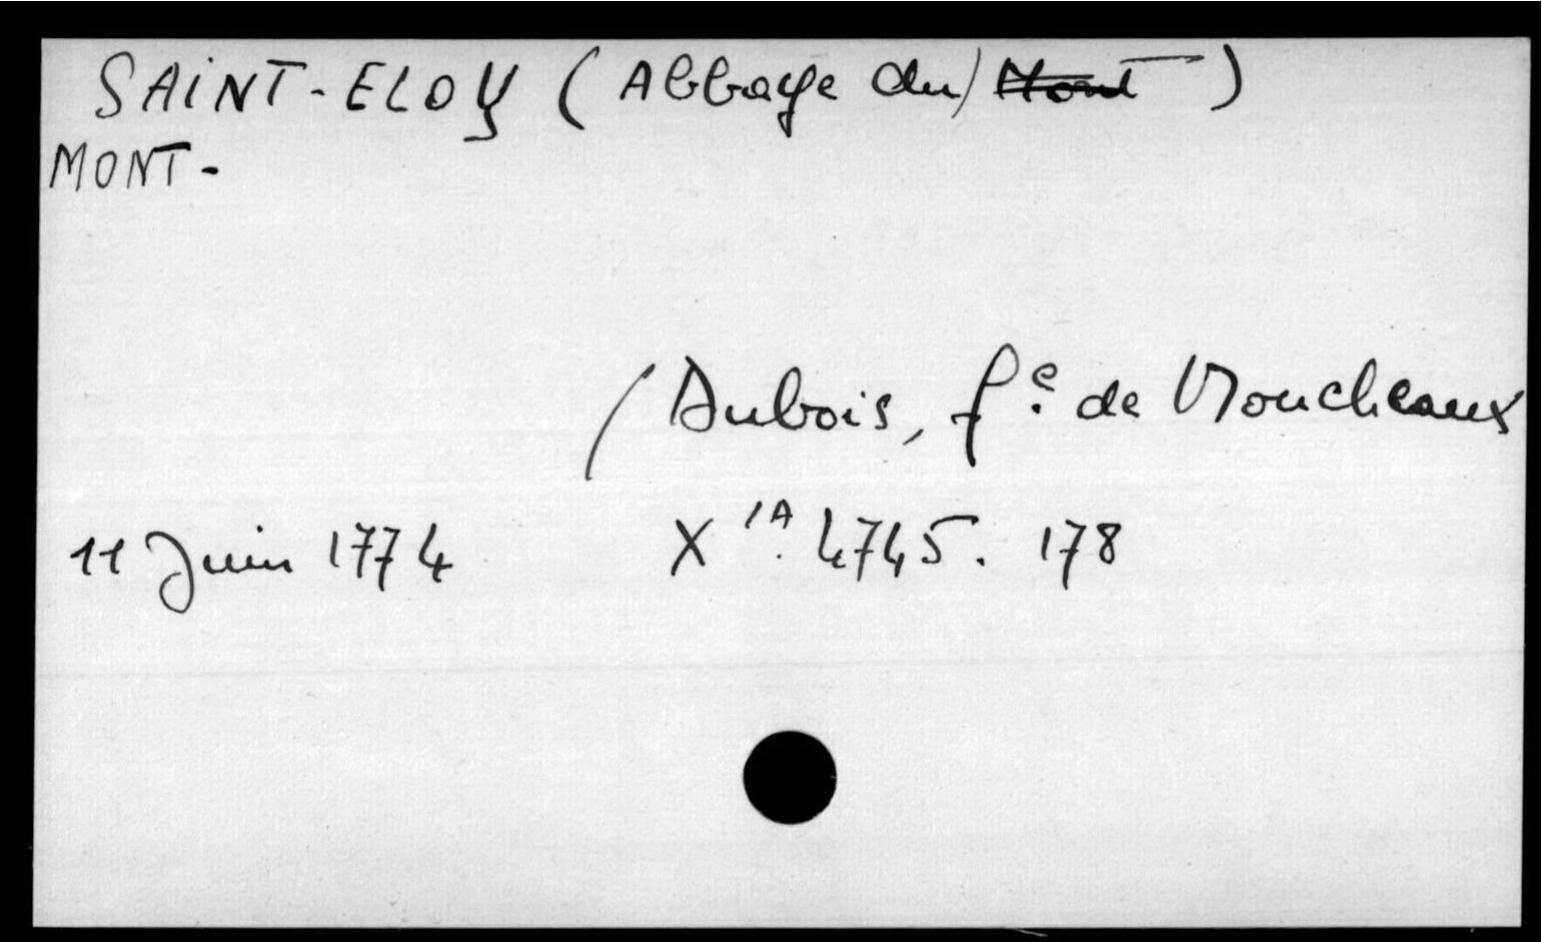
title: SAINT-ELOY (Abbaye du MONT-)
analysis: Contre Dubois, femme de Moucheaux
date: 11 juin 1774
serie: X1A
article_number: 4745
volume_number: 178
